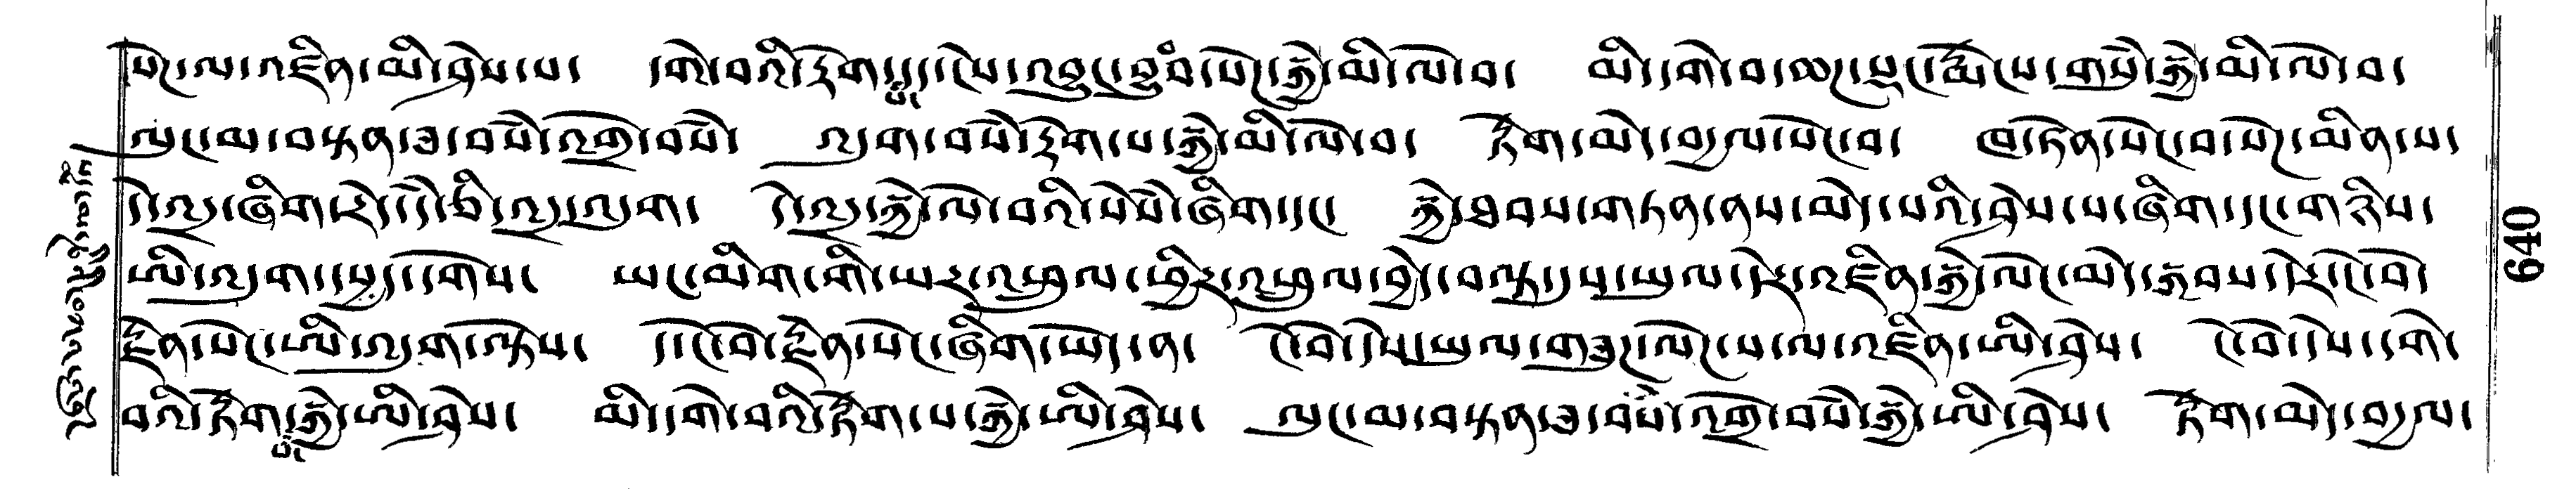སོགས་ལ་འཛིན་མི་ཤེས་པ། དགེ་བའི་རྟོག་པ་དང་ངེས་འབྱུང་བྱང་ཆུབ་སོགས་སྐྱེ་མི་ལོ་བ། མི་དགེ་བ་ཆགས་སྡང་རྨོངས་གསུམ་སྐྱེ་མི་ལོ་བ་
ལུང་མ་བསྟན། ཟ་བསམ། འགྲོ་བསམ། འདུག་བསམ་གྱི་རྟོག་པ་སྐྱེ་མི་ལོ་བ། རྟོག་མེད་བརྒྱལ་སོང་བ། ཁ་ཧོན་སོང་བ་སོགས་མིན་པ་
དེ་འདྲ་ཞིག་རེད་དམ་ཅི་འདྲ་འདུག དེ་འདྲ་སྐྱེ་ལོ་བའི་སེམས་ཞིག་དང་། སྐྱེ་ཐབས་གཏན་ནས་མེད་པའི་ཤེས་པ་ཞིག་དང་གཉིས་
ཨི་འདུག་དཔྱད་དགོས། ཡང་མིག་གི་ཡར་ ( འཕྲུལ་ ) འཁྲུལ་ཕྱིར་ ( འཕྲུལ་ ) འཁྲུལ་བྱེད་བལྟ་དུས་ཡུལ་དེར་འཛིན་སྐྱེ་ལོང་མེད་སྐབས་དེར་ངོ་བོ་
རྗེན་སོང་ཨི་འདུག་ལྟོས།ད་ངོ་བོ་རྗེན་སང་ཞིག་ཡོད་ན། ངོ་བོ་དེས་ཡུལ་གཟུགས་ལེགས་པ་ལ་འཛིན་ཨི་ཤེས། ངོ་བོ་དེས་དགེ་
བའི་རྟོག་པ་སྐྱེ་ཨི་ཤེས། མི་དགེ་བའི་རྟོག་པ་སྐྱེ་ཨི་ཤེས། ལུང་མ་བསྟན་ཟ་བསམ་འགྲོ་བསམ་སྐྱེ་ཨི་ཤེས། རྟོག་མེད་བརྒྱལ་